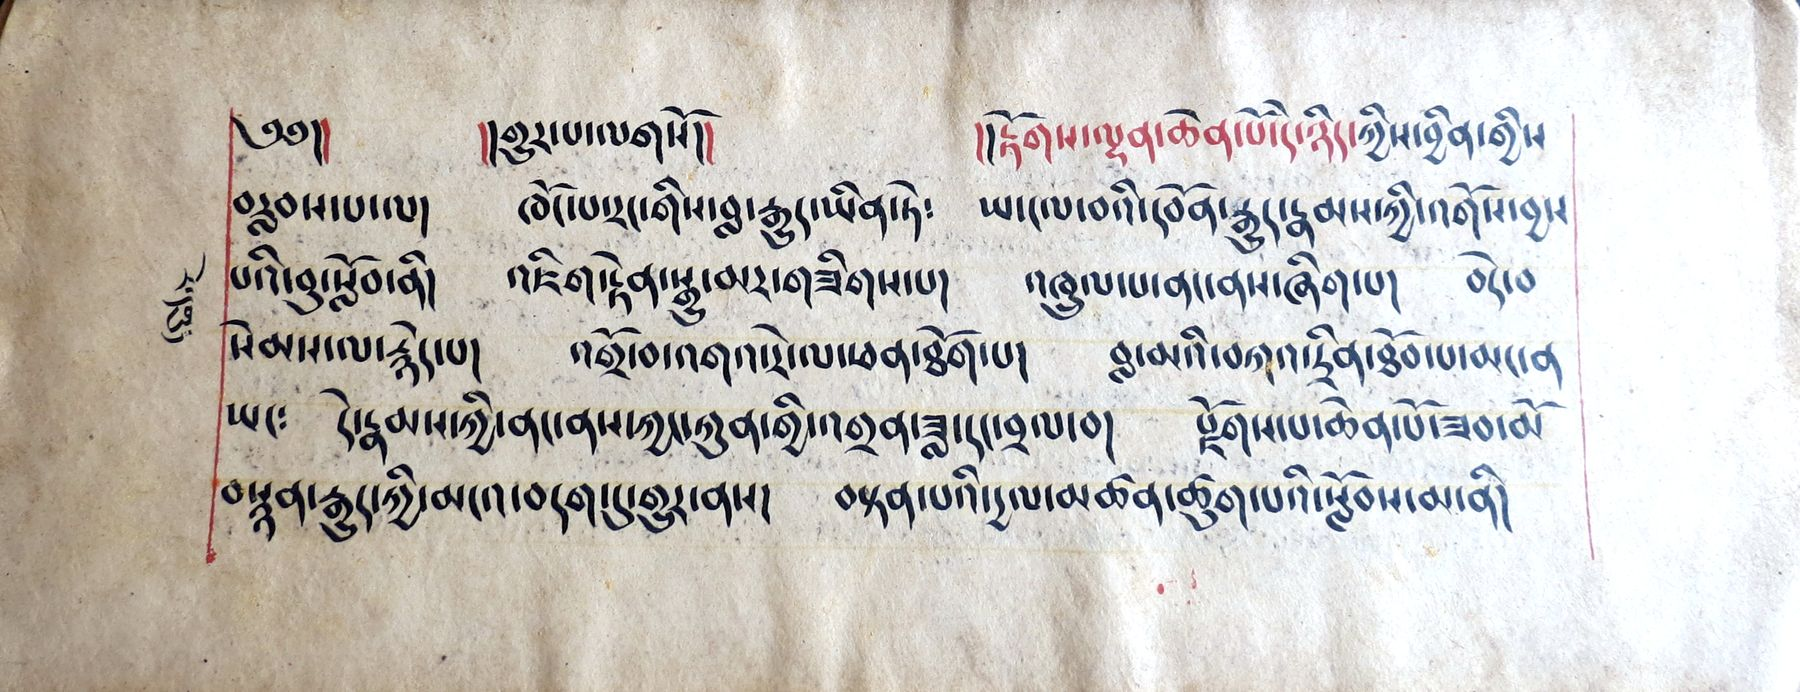གྱུར་པ་ལགས་སོ། །རྟོགས་ལྡན་ཆེན་པོ་དེ་ཉིད་ཀྱིས་བྱིན་གྱིས་
བརླབས་པ་ལ། ཁོང་པ་རང་གི་བླ་རྒྱུད་ཡིན་ཏེ། ཡང་ངལ་བའི་དཔོན་རྒྱུད་རྣམས་ཀྱི་འགོས་བྱས་
པའི་བུ་སློབ་ནི། འཇིག་རྟེན་སྒྱུ་མར་གཟིགས་པ། འཁྲུལ་པ་ནང་ནས་ཞིག་པ། བདེ་བ་
སེམས་ལ་རྙེད་པ། འགྲོ་བ་འགའ་རེ་ལ་ཕན་ཐོགས་པ། བླ་མའི་བཀའ་དྲིན་ཐོབ་པ་མང་ན་
ཡང་། དེ་རྣམས་ཀྱི་ནང་ནས་ཀུན་གྱིས་འགྲན་ཟླ་དང་བྲལ་བ་རྫོགས་པ་ཆེན་པོ་ཟབ་མོ་
སྙན་རྒྱུད་ཀྱི་མངའ་བདག་ཏུ་གྱུར་ནས་བསྟན་པའི་རྒྱལ་མཚན་ཚུགས་པའི་སློབ་མ་ནི།